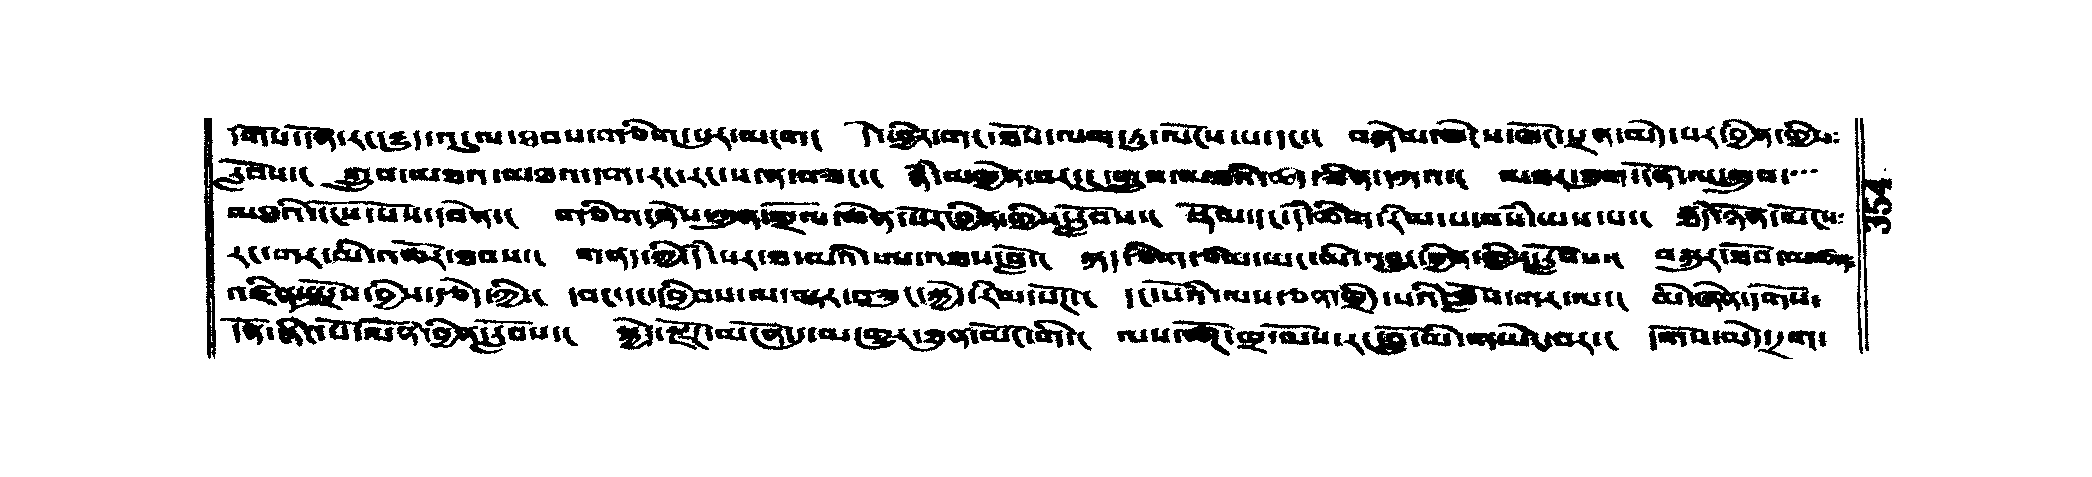།དགོས་དོན་རང་རྒྱུད་འདུལ་ཐབས་གཅིག་པུར་མངགས། །དེ་ཕྱིར་གང་ཐོས་ལག་ཏུ་ལོངས་པ་དང་། །སྙེམ་ཁེངས་ཁོང་སྲན་མེད་པར་བྱིན་གྱིས་
རློབས། །གྲུབ་མཐའ་མཐའ་དག་རང་རང་ས་ན་བཟང་། །རྣམ་མཁྱེན་བར་དུ་གྲུབ་མཐའི་ཚད་ཟིན་དཀའ། །མཐར་ཐུག་དོན་ལ་གྲུབ་
མཐའི་དངོས་པོས་དབེན། །གཅིག་ཤེས་ཀུན་གྲོལ་ཆེན་པོར་བྱིན་གྱིས་རློབས། །སྡོམ་དང་དམ་ཚིག་རིམ་པ་བསམ་ཡས་པ། །ཐམས་ཅད་ཉོན་མོངས་
རང་གར་མི་འཆོར་ཐབས། །གནད་ཀྱི་དམ་པར་ཐ་མའི་ཨ་འཐས་བློ། །སྐད་ཅིག་ཙམ་ཡང་མི་འབྱུང་བྱིན་གྱིས་རློབས། །བསྐུར་ཐོབ་མཚན་
འཛིན་སྤྲོས་པ་བྱིས་རྩེད་ཀྱི། །དབང་དང་དབྱིབས་ལ་ལྷར་བཟུང་བསྐྱེད་རིམ་སོགས། །དང་པོའི་ལས་ཅན་ཁྲིད་པའི་ཟློས་གར་ལ། །མི་ཞེན་དགོས་
དོན་སྙིང་པོ་ལོན་བྱིན་རློབས། །སྐྱེད་རྫོགས་མངོན་དུ་མ་གྱུར་ཐུན་མོང་གི།ལས་ཚོགས་ཕྲ་མོས་རང་བློ་མི་གཡེང་བར། །དགོས་མེད་དྲན་པའི་